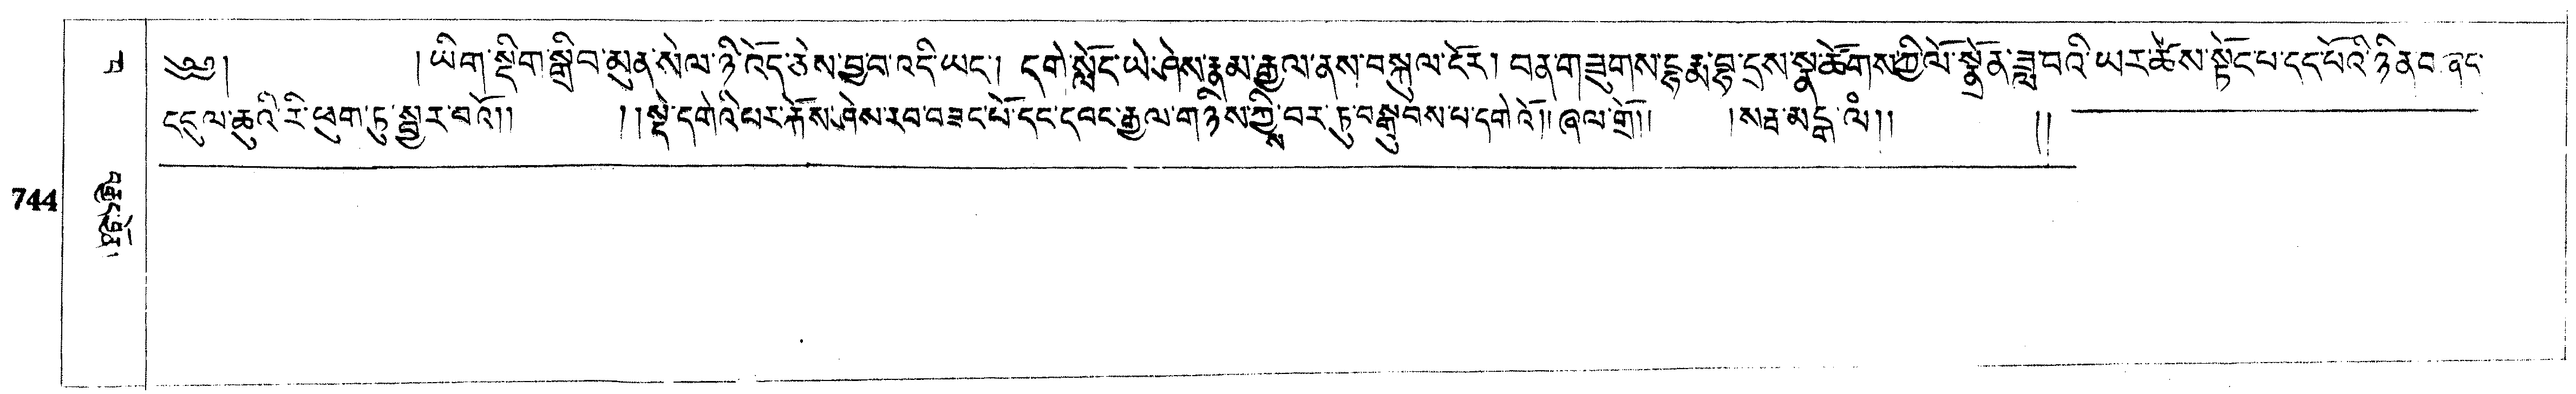༄༅། །ཡིག་སྡིག་སྒྲིབ་མུན་སེལ་ཉི་འོད་ཅེས་བྱ་བ་འདི་ཡང་། དགེ་སློང་ཡེ་ཤེས་རྣམ་རྒྱལ་ནས་བསྐུལ་ངོར། བན་གཟུགས་དྷརྨ་བྷ་དྲས་སྣ་ཚོགས་ཀྱི་ལོ་སྣྲོན་ཟླ་བའི་ཡར་ཚེས་སྟོང་པ་དང་པོའི་ཉིན་བཞད་
དངུལ་ཆུའི་རི་ཕུག་ཏུ་སྦྱར་བའོ།། །།སྡེ་དགེའི་པར་རྐོས་ཤེས་རབ་བཟང་པོ་དང་དབང་རྒྱལ་གཉིས་ཀྱིས་བར་ཏུ་བསྒྲུབས་པ་དགེའོ། །ཞལ་གྲོ།། །སརྦ་མངྒ་ལཾ།། །།